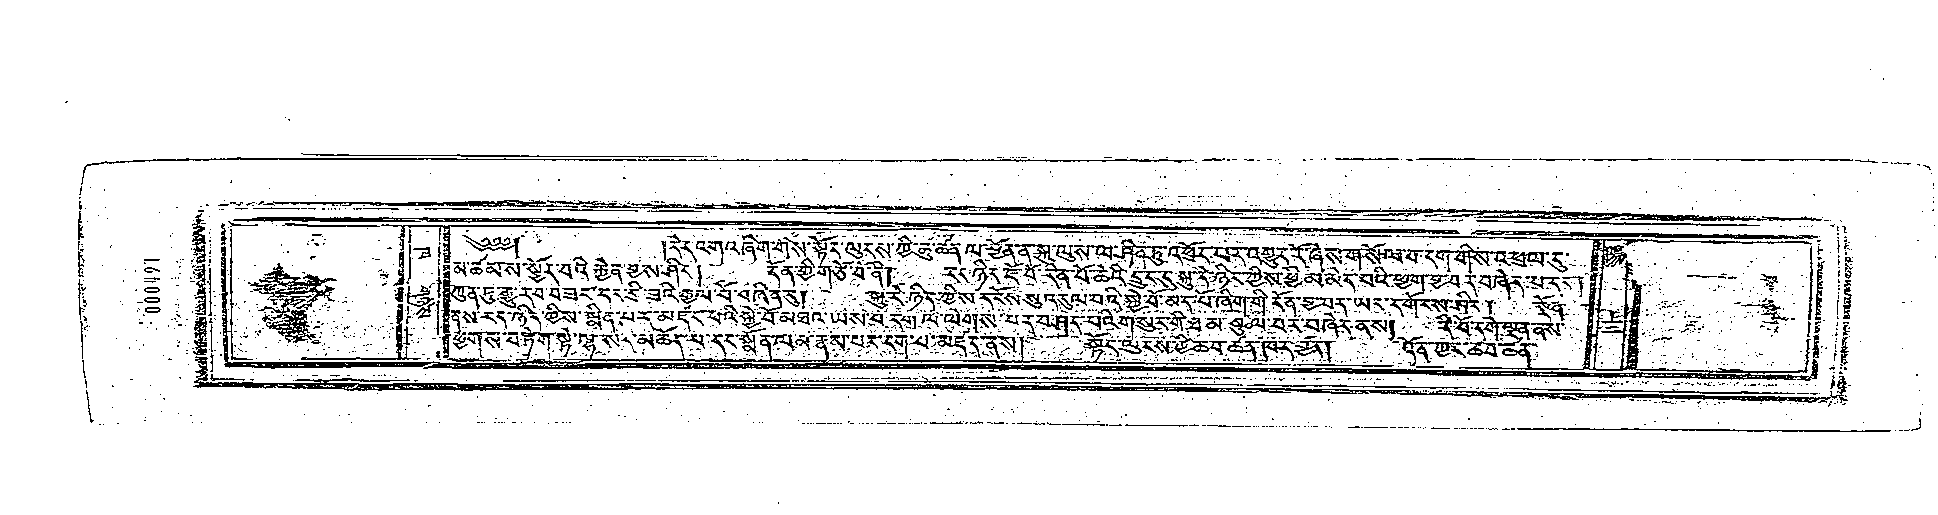༄༅༅། །དེར་འགའ་ཞིག་གིས་སྟོང་ལུངས་ཀྱི་ཆུ་ཚན་ལ་བྱོན་ན་སྐུ་ལུས་ལ་ཤིན་ཏུ་འཕྲོང་པར་འགྱུར་རོ་ཞེས་གསོལ་བ་དག་གིས་འཕྲལ་དུ་
མ་ཚམས་སྦྱོར་བའི་རྐྱེན་བྱས་ཤིང་། དོན་གྱི་གཙོ་བོ་ནི། རང་ཉིད་ཇོ་བོ་རིན་པོ་ཆེའི་དྲུང་དུ་སྐུ་དེ་ཉིད་ཀྱིས་ཕྱི་མ་མེད་བའི་ཕྱག་བྱ་བར་བཞེད་པ་དང་།
ཀུན་ཏུ་རྒྱུ་རབ་བཟང་དང་དྲི་ཟའི་རྒྱལ་པོ་བཞིན་དུ། སྐུ་དེ་ཉིད་ཀྱིས་དངོས་སུ་འདུལ་བའི་སྐྱེ་བོ་མང་པོ་ཞིག་གི་དོན་བྱ་བར་ཡང་དགོངས་ཤིང་། སྔོན་
ནས་རང་ཉིད་ཀྱིས་སྨིན་པར་མཛད་པའི་སྐྱེ་བོ་མཐའ་ཡས་པ་དག་ལ་ལེགས་པར་བཤད་པའི་གསུང་གི་ཐམ་སྩལ་བར་བཞེད་ནས། རི་བོ་དགེ་ལྡན་ནས་
ཕྱག་བརྟེན་སྟེ་ལྷ་སར་མཆོད་པ་དང་སྨོན་ལམ་རྣམ་པར་དག་པ་མཛད་ནས། སྟོང་ལུགས་ཀྱི་ཆབ་ཚན་ཁར་བྱོན། འོན་ཀྱང་ཆབ་ཚན་